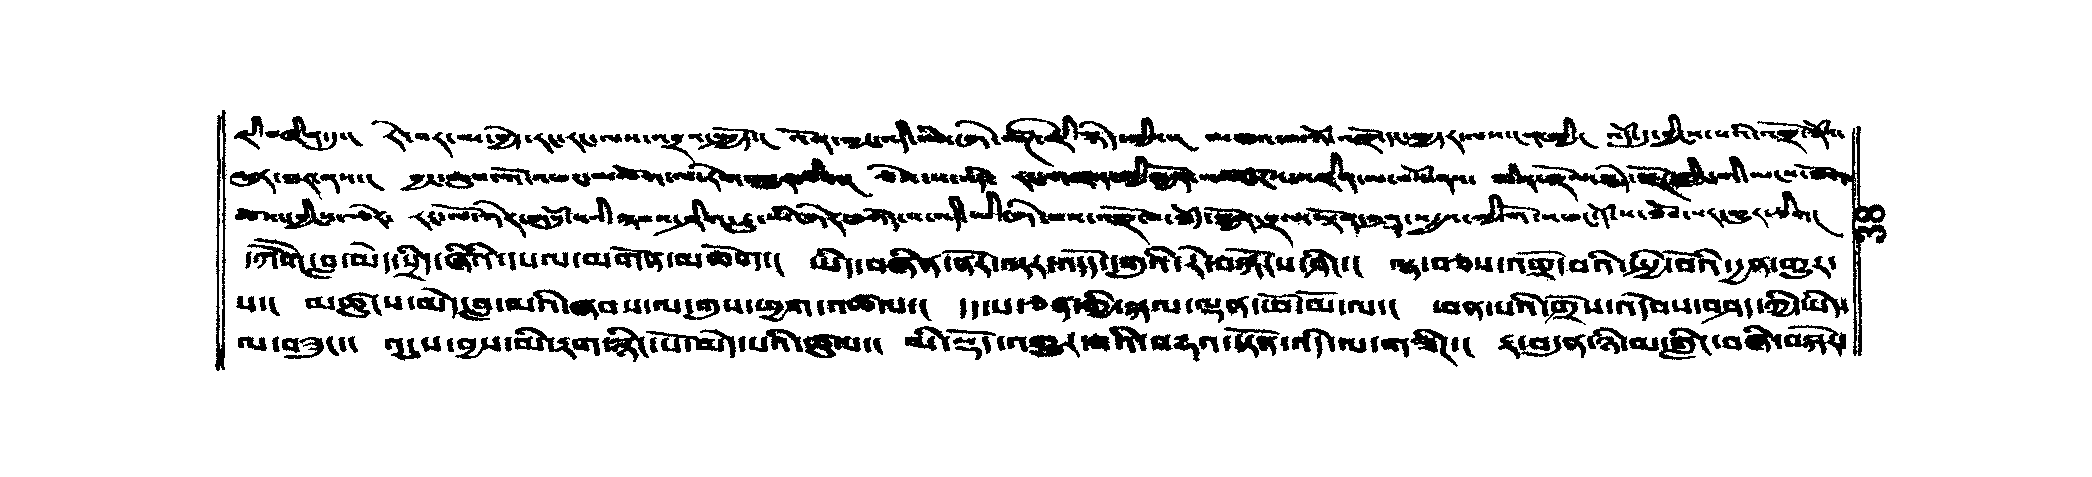ཇི་བཞིན་དུ། །རེ་བར་མ་བྱེད་རང་རང་ལས་འབྲས་སྤྱོད། །འོན་ཀྱང་འདི་ཡིས་དགེ་ཚོགས་ཇི་སྙེད་ཀྱི། །འདམ་དུ་འབྱིང་བའི་འགྲོ་རྣམས་
མྱུར་ཐར་ནས། །བྱང་ཆུབ་གོ་འཕང་མཆོག་ལ་རེག་གྱུར་ཅིག།ཅེས་པ་འདི་རང་གཞན་གྱི་སྐྱོན་མཚང་ངོས་འཛིན་ལ་བསམ་ནས། སྨིན་གྲོལ་བསྐྱེད་རྫོགས་གླིང་གི་ཡང་ཐོག་
ཆོས་དབྱིངས་རྩེར་རང་ལོ་ཉེར་གསུམ་པའི་སྐབས་ཤིག་ཏུ་ཡི་གེར་བཀོད་པ་འདི་ཡིས་དགེ་བས་འགྲོ་བ་ཐམས་ཅད་སྐྱོན་བྲལ་ཡོན་ཏན་ཀུན་ལྡན་སངས་རྒྱས་ཀྱི་གོ་འཕང་དམ་པ་ཐོབ་པར་གྱུར་ཅིག 
༈ དཀོན་མཆོག་བླ་མེད་སྲིད་ཞིའི་དཔལ་མགོན་མཆོག །ཡིད་བཞིན་ནོར་ལྟར་འདོད་དགུའི་རེ་བསྐོངས་ཤིང་། །ལྷ་བཅས་འགྲོ་བའི་སྤྱི་བོའི་རྒྱན་གྱུར་
པ། །མཚུངས་མེད་བླ་མའི་ཞབས་ལ་གུས་ཕྱག་འཚལ། །དད་པ་ཅན་གྱི་སྐལ་ལྡན་ཕོ་མོ་ལ། །ཕན་པའི་གྲོས་འདེབས་བཤད་གྱི་ཡིད་
ལ་ཟུངས། །འདུས་བྱས་མིརྟག་སྙིང་པོ་མེད་པའི་ཚུལ། །མི་སྡོད་འགྱུར་བའི་བརྡའ་སྟོན་འདི་ལ་གཟིགས། །རྟ་བདུན་ཉི་མ་གླིང་བཞི་བསྐོར་